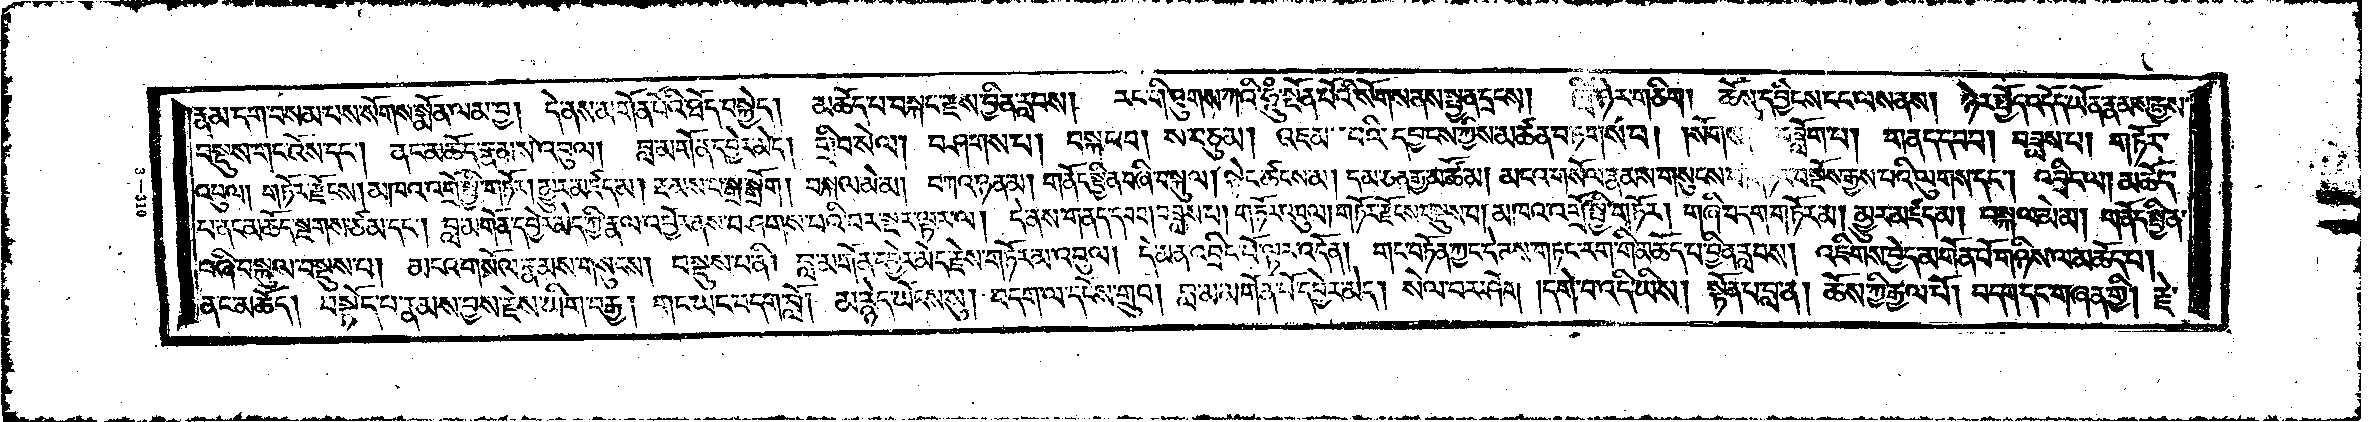རྣམ་དག་བསམ་པས་སོགས་སྨོན་ལམ་བྱ། དེ་ནས་མགོན་པོའི་ཐོད་བསྐྱེད། མཆོད་པ་བསྐང་རྫས་བྱིན་རླབས། རང་གི་ཐུགས་ཀའི་ཧཱུཾ་སྔོན་པོའི་སོགས་ནས་སྤྱན་དྲངས། ཁྲི་ཉེར་གཅིག། ཆོས་དབྱིངས་ངང་ལས་ནས། ཉེར་སྤྱོད་འདོད་ཡོན་རྣམས་རྒྱས་
བསྡུས་གང་འོས་དང་། ནང་མཆོད་རྣམས་འབུལ། བླ་མགོན་དབྱེར་མེད། གྲིབ་སེལ། བཤགས་པ། བསྐང་བ། ས་བཅུ་མ། འཇམ་པའི་དབྱངས་ཀྱིས་མཚན་བཏགས་པ། །སོགས། བཟློག་པ། གནད་དབབ། བཟླས་པ། གཏོར་
འབུལ། གཏོར་རྫོངས། མཁའ་འགྲོ་སྤྱི་གཏོར། མྱུར་མཛད་མ། རྔམས་པ་སྒྲ་སྒྲོག། བསྐལ་མེ་མ། བཀའ་ཉན་མ། གནོད་སྦྱིན་བཞི་བསྐུལ། སྟེང་ཚངས་མ། དམ་ཅན་རྒྱ་མཚོ་མ། མངའ་གསོལ་རྣམས་གསུངས་པ་གཏོར་བསྡོས་རྒྱས་པའི་ལུགས་དང་། འབྲིང་ལ། མཆོད་
པ་ནང་མཆོད་སྔགས་ཙམ་དང་། བླ་མགོན་དབྱེར་མེད་ཀྱི་རྣལ་འབྱོར་ནས་བཤགས་པའི་བར་སྔར་ལྟར་ལ། དེ་ནས་གནད་དབབ། བཟླས་པ། གཏོར་འབུལ། གཏོར་རྫོངས་བསྡུས་པ། མཁའ་འགྲོ་སྤྱི་གཏོར། གཞི་བདག་གཏོར་མ། མྱུར་མཛད་མ། བསྐལ་མེ་མ། གནོད་སྦྱིན་
བཞི་བསྐུལ་བསྡུས་པ། མངའ་གསོལ་རྣམས་གསུངས། བསྡུས་པ་ནི། བླ་མགོན་དབྱེར་མེད་རྗེས་གཏོར་མ་འབུལ། དེ་མན་འབྲིང་པོ་ལྟར་འདོན། གང་བཏོན་ཀྱང་དེ་ནས་གཏང་རག་གི་མཆོད་པ་བྱིན་རླབས། འཇིགས་བྱེད་མགོན་པོ་གཉིས་ལ་མཆོད་པ།
ནང་མཆོད། བསྟོད་པ་རྣམས་བྱས་རྗེས་ཡིག་བརྒྱ། གང་ཡང་བདག་བློ། མ་རྙེད་ཡོངས་སུ། བདག་ལ་དངོས་གྲུབ། བླ་མ་མགོན་པོ་དབྱེར་མེད། སེལ་བར་ཤོག །དགེ་བ་འདི་ཡིས། སྟོན་པ་བླ་ན། ཆོས་ཀྱི་རྒྱལ་པོ། བདག་དང་གཞན་གྱི། རྗེས།